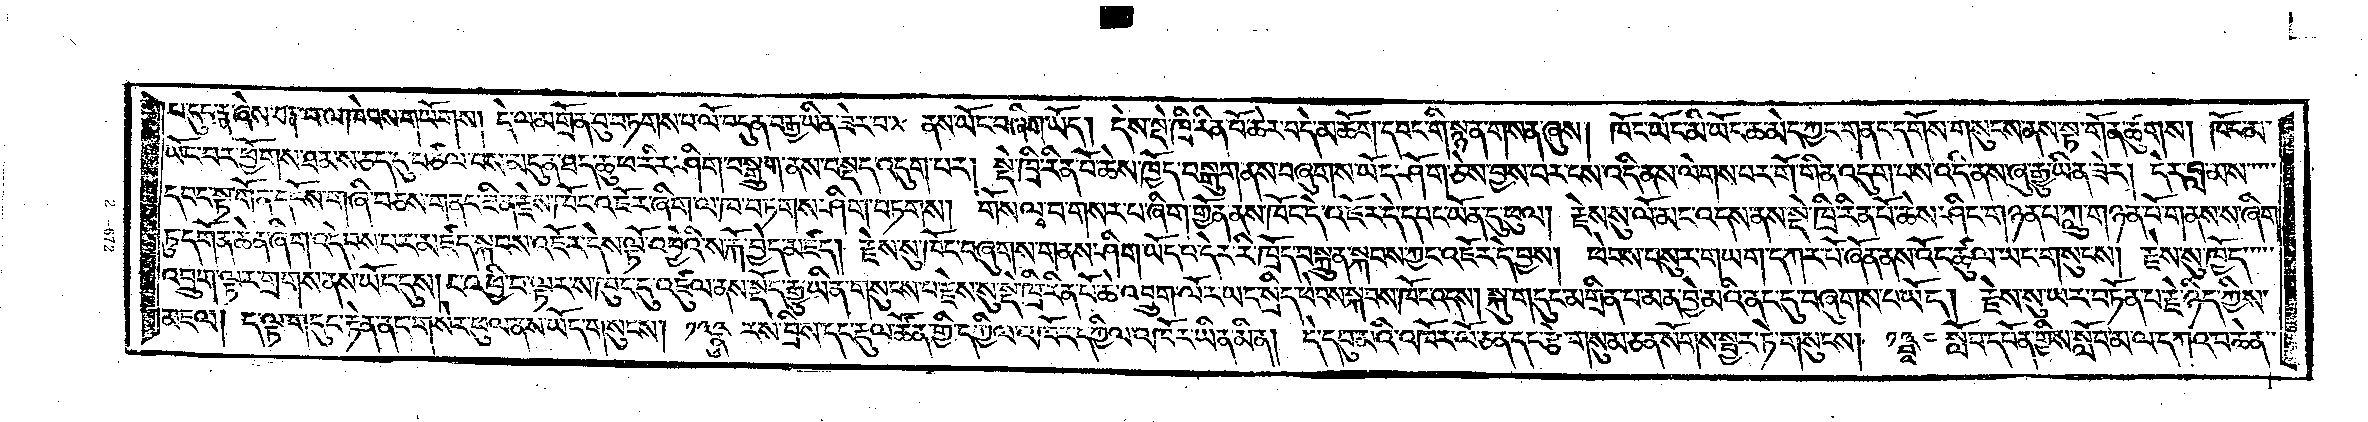གདུང་ན་ཞེས་བ༑ བ་ལ་ཁེབས་གཡོགས། དེ་ལ་མགྲོན་བུ་བཏགས་པ་ལོ་བདུན་བརྒྱ་ཡིན་ཟེར་བ་྾་ནས་ཡོང་བ་ཞིག་ཡོད། དེས་སྡེ་ཁྲི་རིན་པོ་ཆེར་བདེ་མཆོག་དབང་གི་སྙན་གསན་ཞུས། ཁོང་ཡོང་མི་ཡོང་ཆ་མེད་ཀྱང་གནང་དགོས་གསུངས་ནས་སྟ་གོན་ཚུགས། ཁོང་མ་
ཡོང་བར་ཕྱོགས་ཐམས་ཅད་དུ་བཙལ་བས་མདུན་ཐད་ཆུ་ཕ་རིར་ཤིག་བསྒྲུག་ནས་བསྡད་འདུག་པར། སྡེ་ཁྲི་རིན་པོ་ཆེས་ཁྱོད་བསྒྲུག་ནས་བཞུགས་ཡོད་ཤོག་ཅེས་བྱས་བར་ངས་འདི་ནས་ལེགས་པར་གོ་རིན་འདུག་པས་འདི་ནས་ཞུ་རྒྱུ་ཡིན་ཟེར། དེར་བླ་མས་
དབང་སྟེ་གོང་དངོས་གཞི་བཅས་གནང་ཟིན་རྗེས་ཁོང་འཇོར་ཞིག་ལ་ཁ་བཏགས་ཤིག་བཏགས། གོས་ལྭ་བ་གསར་པ་ཞིག་གྱོན་ནས་ཁོང་དེ་འཇོར་དེ་དབང་ཡོན་དུ་ཕུལ། རྗེས་སུ་ལོ་མང་འདས་ནས་སྡེ་ཁྲི་རིན་པོ་ཆེས་ཤིང་གཉན་པ་ཀླུ་གཉན་པོ་གནས་ས་ཞིག་
ཏུ་དགོན་ཆེན་ཞིག་འདེབས་པས་མཛད་སྐབས་འཇོར་དེས་ལྟོ་འཕྱེའི་ས་རྐོ་བྱེད་མཛད། རྗེས་སུ་ཁོང་བཞུགས་གནས་ཤིག་ཡོད་པ་དེར་རི་ཁྲོད་བསྐྲུན་སྐབས་ཀྱང་འཇོར་དེ་བྱས། ཕེབས་བསུར་གཡག་དཀར་པོ་ཞོན་ནས་འོང་ཚུལ་ཡང་གསུངས། རྗེས་སུ་ཁྱོད་
འཕྲུག་ལྟར་གྲགས་ནས་ཡོང་དུས། ང་འཕྱི་བ་ལྟར་ས་ཁུང་དུ་འཛུལ་ནས་སྡོད་རྒྱུ་ཡིན་གསུངས་པ་རྗེས་སུ་སྡེ་ཁྲི་རིན་པོ་ཆེ་འབྲུག་ལོར་ཡང་སྲིད་འཕེབས་སྐབས་ཁོང་འདས། སྐུ་གདུང་མགྲིན་པ་མན་བྱེ་མའི་ནང་དུ་བཞུགས་པ་ཡོད། རྗེས་སུ་ཡར་བཏོན་པ་རྗེ་ཉིད་ཀྱིས་
མཇལ། ད་ལྟ་གདུང་རྟེན་ནད་གསེར་ཕུལ་ནས་ཡོད་གསུངས། ༡༣༢ན༦་རས་བྲིས་དང་རྡུལ་ཚོན་གྱི་དཀྱིལ་འཁོར་དཀྱིལ་འཁོར་ཡིན་མིན། དེ་དབུ་མའི་འཁོར་ལོ་ཅན་དང་རྩེ་གསུམ་ཅན་སོགས་སྦྱར་ཏེ་གསུངས། ༡༣༤བ༢་སློབ་དཔོན་གྱིས་སློབ་མ་ལ་དཀའ་བ་ཆེན་